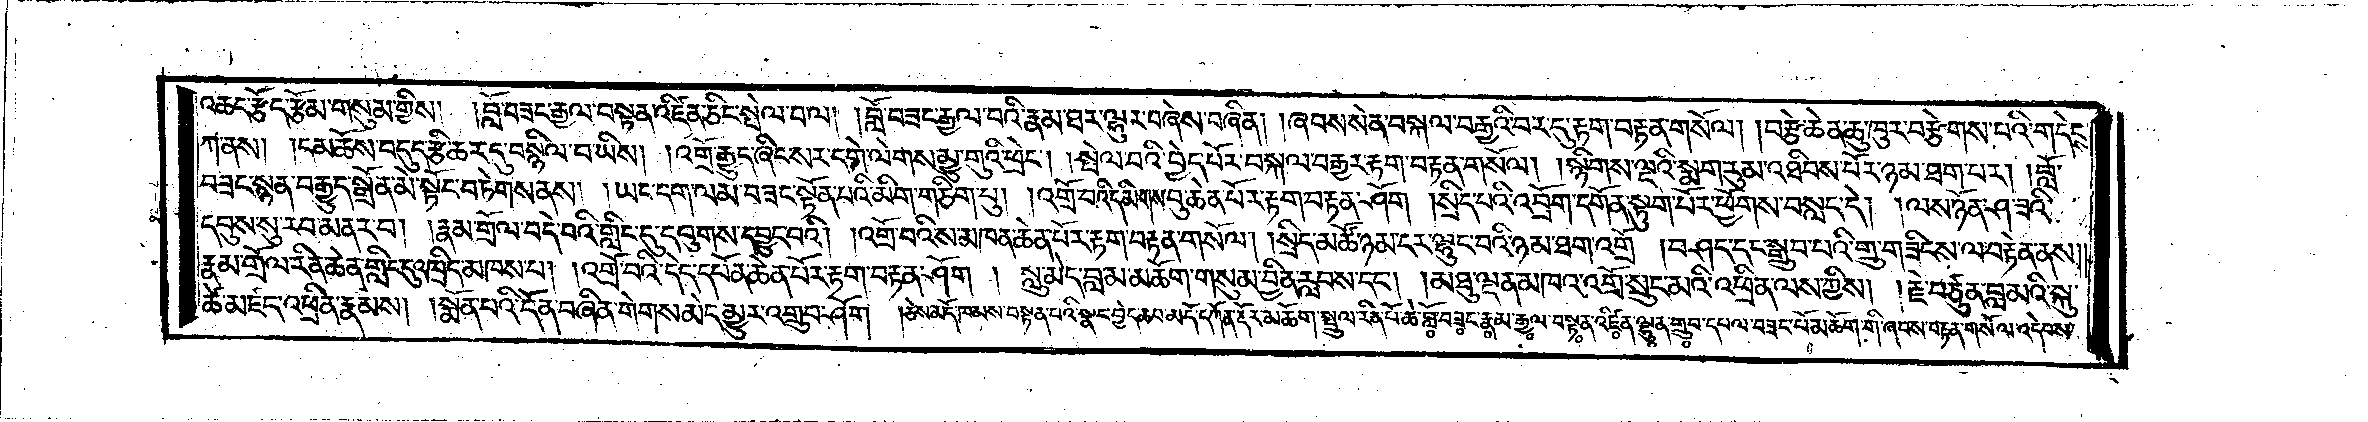འཆད་རྩོད་རྩོམ་གསུམ་གྱིས། །བློ་བཟང་རྒྱལ་བསྟན་འཛིན་ཅིང་སྤེལ་བ་ལ། །བློ་བཟང་རྒྱལ་བའི་རྣམ་ཐར་ལྷུར་བཞེས་བཞིན། །ཞབས་སེན་བསྐལ་བརྒྱའི་བར་དུ་རྟག་བརྟན་གསོལ། །བརྩེ་ཆེན་ཆུ་ཁུར་བརྩེགས་པའི་གདེངས་
ཀ་ནས། །དམ་ཆོས་བདུད་རྩི་ཆར་དུ་བསྙིལ་བ་ཡིས། །འགྲོ་རྒྱུད་ཞིང་སར་དགེ་ལེགས་མྱུ་གུའི་ཕྲེང་། །སྤེལ་བའི་བྱེད་པོར་བསྐལ་བ་བརྒྱར་རྟག་བརྟན་གསོལ། །སྙིགས་ལྔའི་སྨག་རུམ་འཐིབས་པོར་ཉམ་ཐག་པར། །བློ་
བཟང་སྙན་བརྒྱུད་སྒྲོན་མེ་སྟོང་བཏེགས་ནས། །ཡང་དག་ལམ་བཟང་སྟོན་པའི་མིག་གཅིག་པུ། །འགྲོ་བའི་དམིགས་པུ་ཆེན་པོར་རྟག་བརྟན་ཤོག །སྲིད་པའི་འབྲོག་དགོན་སྟུག་པོར་ཕྱོགས་བསླད་དེ། །ལས་ཉོན་ཤ་ཟའི་
དབུས་སུ་རབ་མནར་བ། །རྣམ་གྲོལ་བདེ་པའི་གླིང་དུ་དབུགས་དབྱུང་བའི། །འགྲོ་བའི་ས་མཁན་ཆེན་པོར་རྟག་བརྟན་གསོལ། །སྲིད་མཚོ་ཉམ་ངར་ལྷུང་བའི་ཉམ་ཐག་འགྲོ་།བཤད་དང་སྒྲུབ་པའི་གྲུ་གཟིངས་ལ་བརྟེན་ནས།།
རྣམ་གྲོལ་རིན་ཆེན་གླིང་དུ་འཁྲིད་མཁས་པ། །འགྲོ་བའི་དེད་དཔོན་ཆེན་པོར་རྟག་བརྟན་ཤོག །སླུ་མེད་བླ་མ་མཆོག་གསུམ་བྱིན་རླབས་དང་། །མཐུ་ལྡན་མཁའ་འགྲོ་སྲུང་མའི་འཕྲིན་ལས་ཀྱིས། །རྗེ་བཙུན་བླ་མའི་སྐུ་
ཚེ་མཛད་འཕྲིན་རྣམས། །སྨོན་པའི་དོན་བཞིན་གེགས་མེད་མྱུར་འགྲུབ་ཤོག །ཅེས་མདོ་ཁམས་བསྟན་པའི་སྣང་བྱེད་ཆབ་མདོ་དཀོན་རྡོར་མཆོག་སྤྲུལ་རིན་པོ་ཆེ་བློ་བཟང་རྣམ་རྒྱལ་བསྟན་འཛིན་ལྷུན་གྲུབ་དཔལ་བཟང་པོ་མཆོག་གི་ཞབས་བརྟན་གསོལ་འདེབས་